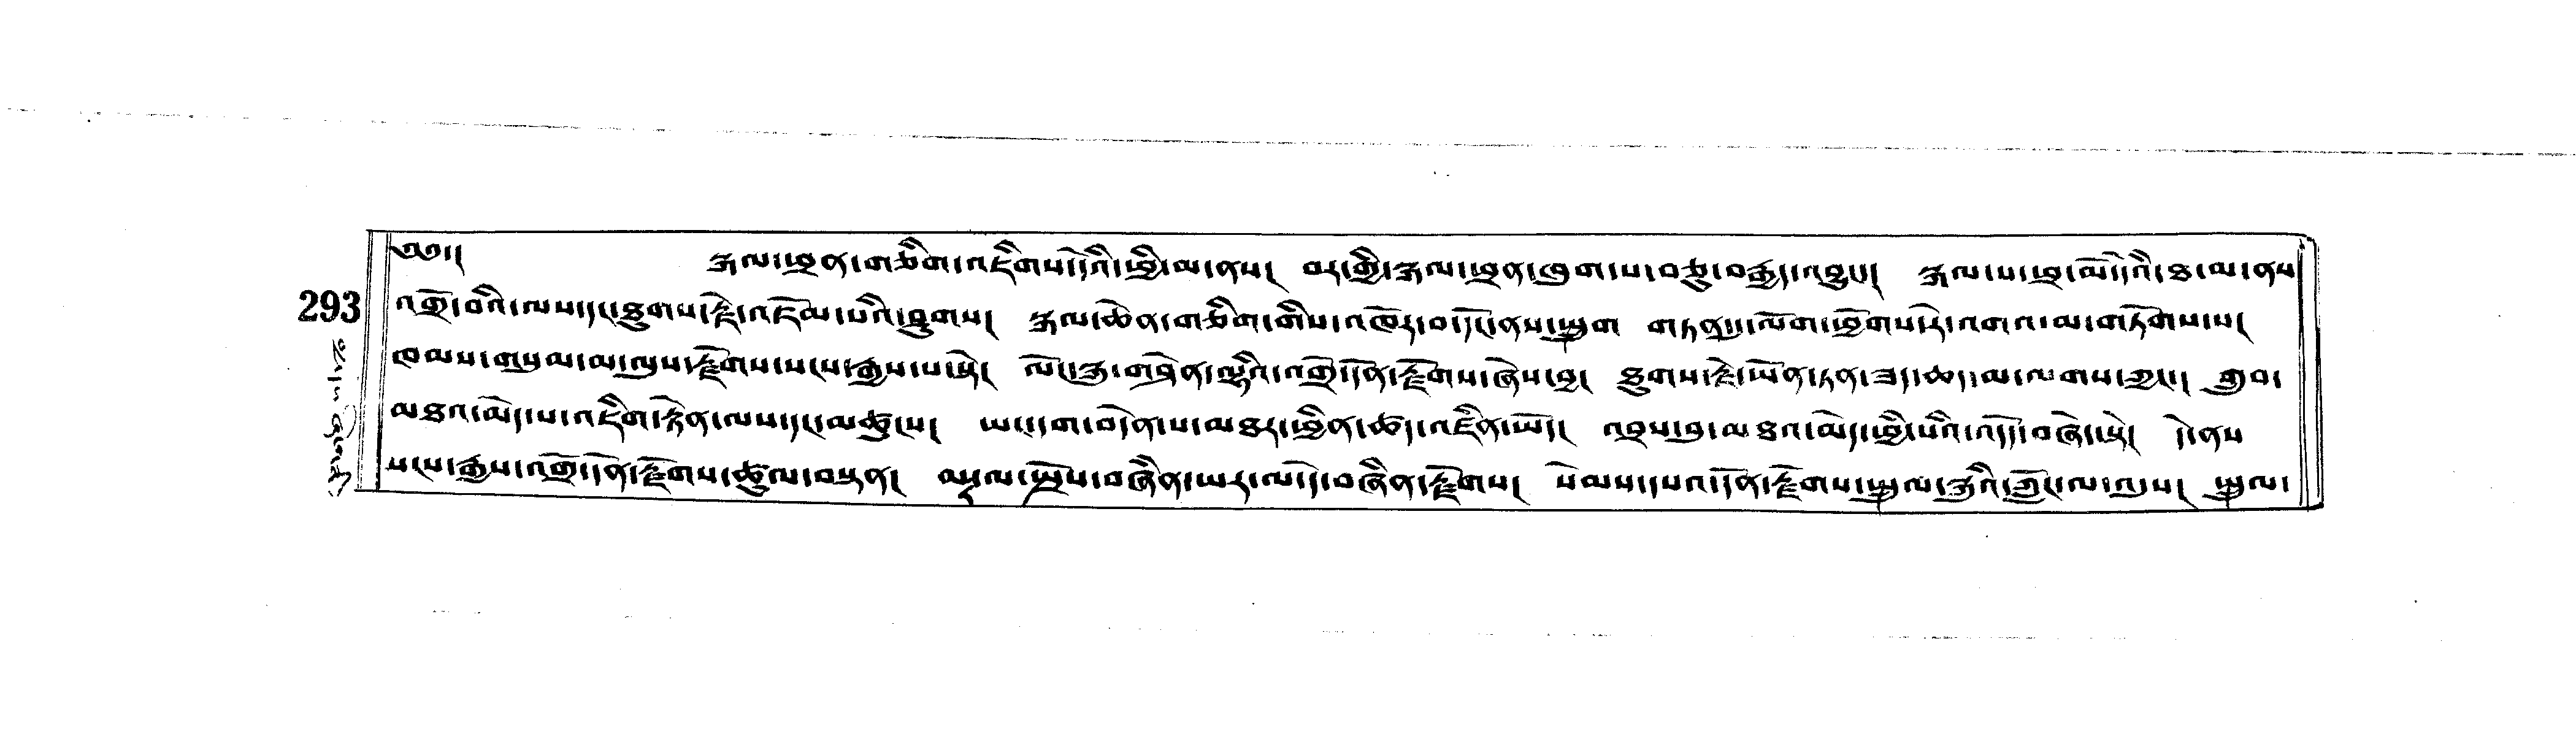བསྐལ་ཕྲན་གཅིག་འཇིག་དེ་ཡི་ཕྱི་མ་ནས། བར་གྱི་བསྐལ་ཕྲན་ཁུག་པ་བཅོ་བརྒྱད་འབྱུང་། བསྐལ་པ་ཕྲ་མོ་དེ་ཡི་ཐ་མ་ནས། 
འགྲོ་བའི་ལས་དང་ཐུགས་རྗེ་འཛོམས་པའི་ཤུགས། བསྐལ་ཆེན་གཅིག་གིས་འཁོར་བ་དོང་ནས་སྤྲུགས། གཏན་དུ་ལོག་ཕྱོགས་རེ་འགའ་མ་གཏོགས་པ། 
ཁམས་གསུམ་མ་ལུས་རྫོགས་སངས་རྒྱས་པ་སྟེ། ལོངས་སྐུ་གཤེན་ལྷའི་འགྲོ་དོན་རྫོགས་ཞེས་བྱ། ཐུགས་རྗེ་ཡོན་ཏན་ཟད་ཆད་མ་ལགས་ཀྱང་། གྲུབ་
མཐའ་མེད་པ་འཇིག་རྟེན་ལས་དང་མཚུངས། ཡང་དག་བདེན་པ་མཐར་ཕྱིན་ཚད་འཛིན་ཡོད། འབྲས་བུ་མཐའ་མེད་ཕྱི་པའི་འདོད་བཞེད་སྟེ། དེ་ནས་
སངས་རྒྱས་འགྲོ་དོན་རྫོགས་ཚུལ་བསྟན། མར་ལ་སྤྲོས་བཞིན་ཡར་ལ་དེ་བཞིན་རྫོགས། སེམས་དཔའ་དོན་རྫོགས་སྤྲུལ་སྐུའི་ཀློང་ལ་འདུས། སྤྲུལ་